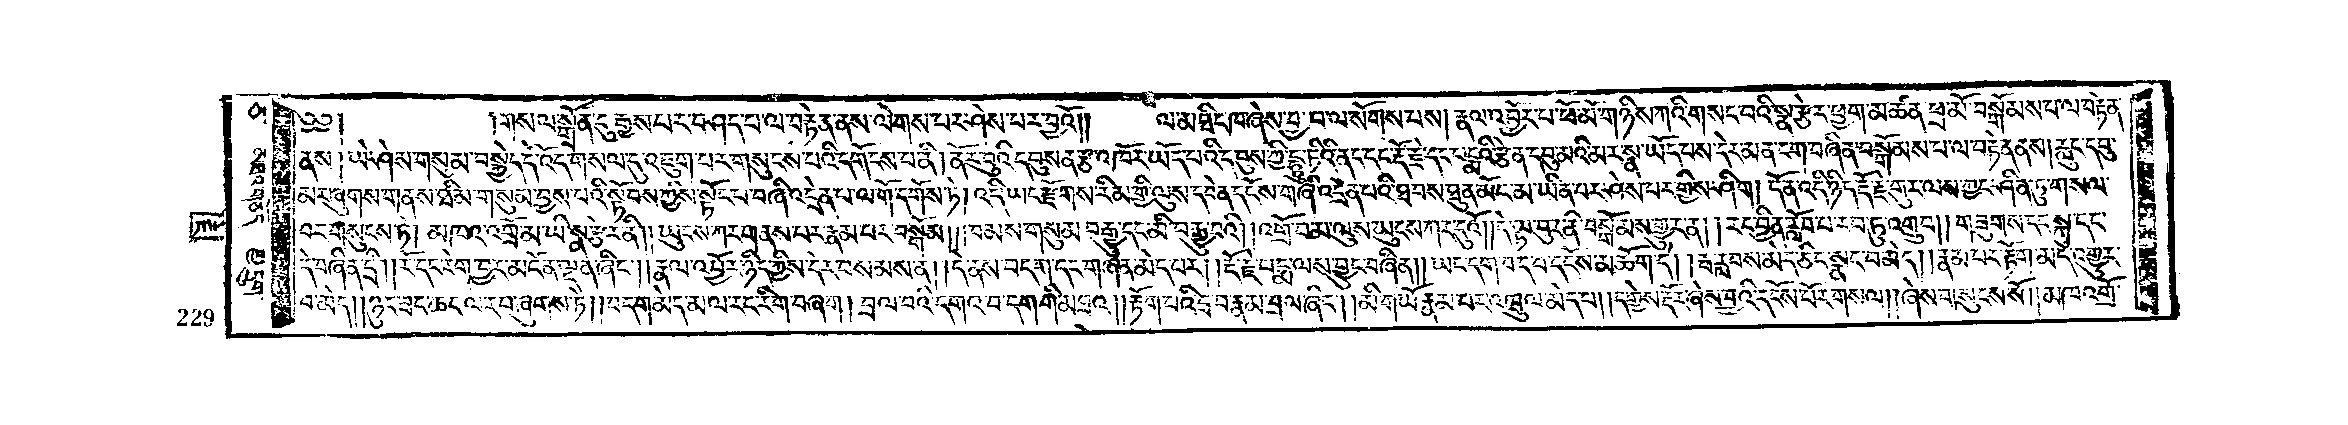༄༅། །གསལ་སྒྲོན་དུ་རྒྱས་པར་བཤད་པ་ལ་བརྟེན་ནས་ལེགས་པར་ཤེས་པར་བྱའོ། །ལ་མཐིང་ཁ་ཞེས་བྱ་བ་ལ་སོགས་པས། རྣལ་འབྱོར་པ་ཕོ་མོ་གཉིས་ཀའི་གསང་བའི་སྣ་རྩེར་ཕྱག་མཚན་ཕྲ་མོ་བསྒོམས་པ་ལ་བརྟེན་
ནས། ཡེ་ཤེས་གསུམ་བསྐྱེད་དེ་འོད་གསལ་དུ་འཇུག་པར་གསུངས་པའི་དགོངས་པ་ནི། ནོར་བུའི་དབུས་ན་རྩ་འཁོར་ཡོད་པའི་དབུས་ཀྱི་དྷཱུ་ཏིའི་ནང་དང་རྡོ་རྗེ་དང་པདམའི་རྩེ་ན་དབུ་མའི་མར་སྣ་ཡོད་པས་དེར་མན་ངག་བཞིན་བསྒོམས་པ་ལ་བརྟེན་ནས། རླུང་དབུ་
མར་ཞུགས་གནས་ཐིམ་གསུམ་བྱས་པའི་སྟོབས་ཀྱིས་སྟོང་པ་བཞི་འདྲེན་པ་ལ་གོ་དགོས་ཏེ། འདི་ཡང་རྫོགས་རིམ་གྱི་ལུས་དབེན་དངོས་གཞི་འདྲེན་པའི་ཐབས་ཐུན་མོང་མ་ཡིན་པར་ཤེས་པར་གྱིས་ཤིག །དོན་འདི་ཉིད་རྡོ་རྗེ་གུར་ལས་ཀྱང་ཤིན་ཏུ་གསལ་
བར་གསུངས་ཏེ། མཁའ་འགོ་མ་ཡི་སྣ་རྩེར་ནི། །ཡུངས་ཀར་གནས་པར་རྣམ་པར་བསྒོམ། །ཁམས་གསུམ་བརྒྱུ་དང་མི་བརྒྱུ་བའི། །འགྲོ་བ་མ་ལུས་ཡུངས་ཀར་དུའོ། །དེ་ལྟ་བུར་ནི་བསྒོམས་གྱུར་ན། །རང་བྱིན་རློབ་པ་རབ་ཏུ་འགྲུབ། །གཟུགས་དང་སྒྲ་དང་
དེ་བཞིན་དྲི། །རོ་དང་རེག་བྱར་མངོན་ལྡན་ཞིང་། །རྣལ་འབྱོར་ཉིད་ཀྱིས་དེར་བསམས་ན། །དེ་ནས་བདག་དང་གཞན་མེད་པར། །རྡོ་རྗེ་པདམ་ལས་བྱུང་བཞིན། །ཡང་དག་བདེ་བ་དངོས་མཆོག་དེ། །རྦ་རླབས་མེད་ཅིང་སྣང་བ་མེད། །རྣམ་པར་རྟོག་མེད་འགྱུར་
བ་མེད། །ཉུང་ཟང་ཆང་ལ་རབ་ཞུགས་ཏེ། །བདག་མེད་མ་ལ་རང་རིག་བཞག །བྲལ་བའི་དགའ་བ་དག་གི་མཐའ། །རྟོག་པའི་དྲ་བ་རྣམ་བྲལ་ཞིང་། །མི་གཡོ་རྣམ་པར་འཁྲུལ་མེད་པ། །དགྱེས་རྡོར་ཞེས་བྱའི་དངོས་པོར་གསལ། །ཞེས་གསུངས་སོ། །མཁའ་འགྲོ་